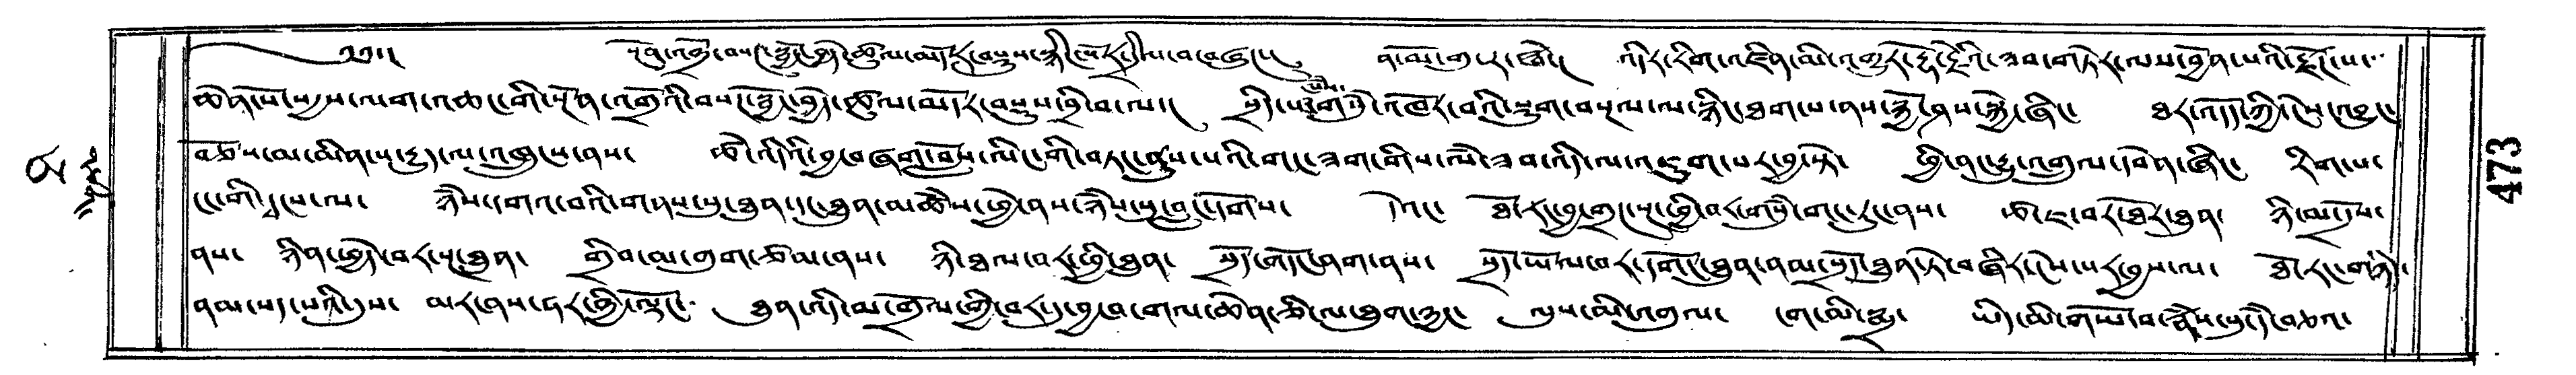སྔོན་འགྲོ་བསགས་སྦྱོང་བྱེད་ཚུལ་མདོར་བསྡུས་སྙིང་པོར་དྲིལ་བ་བཞུགས། ན་མོ་གུ་ར་ཝེ། འདིར་རིག་འཛིན་མི་འགྱུར་རྡོ་རྗེའི་ཟབ་གཏེར་ལས་བྱོན་པའི་རྫོགས་པ་
ཆེན་པོ་སངས་རྒྱས་ལག་འཆང་གི་སྔོན་འགྲོའི་བསགས་སྦྱོང་བྱེད་ཚུལ་མདོར་བསྡུས་བྲི་བ་ལ། སྲིད་པ་ཁམས་གསུམ་འཁོར་བའི་སྡུག་བསྔལ་ལ་སྙིང་ཐག་པ་ནས་སྐྱོ་ཤས་སྐྱེ་ཞིང་། ཐར་འདོད་ཀྱི་ངེས་འབྱུང་
བཅོས་མ་མིན་པ་རྒྱུད་ལ་འཁྲུངས་ནས། ཚེ་འདིའི་བྱ་བཞག་བློས་ལིང་གིས་གཏོང་ནུས་པའི་གང་ཟག་གིས་ལམ་ཟབ་འདི་ལ་འཇུག་པར་བྱ་སྟེ། ཕྱི་ནང་རྒྱུ་འགྲུལ་དབེན་ཞིང་། རིག་པ་
ངང་གིས་དྭངས་ལ། ཉམས་དགའ་བའི་གནས་སུ་ཐུན་དང་ཐུན་མཚམས་ཕྱེ་ནས་ཉམས་སུ་བླང་དགོས། དེའང་ཐོ་རངས་བྱ་གྲགས་སྔ་ཕྱི་བར་གསུམ་གང་རུང་ནས་ཚ་ཇ་བར་ཐོར་ཐུན། ཉི་མ་དྲོས་
ནས་ ཉིན་ཕྱེད་བར་སྔ་ཐུན། གྲིབ་མ་གུག་ཙམ་ནས་ཉི་ཐལ་བར་ཕྱི་ཐུན། སྲོད་གདོང་ནག་ནས་སྲོད་ཡོལ་བར་དགོང་ཐུན་ནམ་སྲོད་ཐུན་ཏེ་བཞིར་ངེས་པར་བྱས་ལ། ཐོ་རངས་གཉིད་
ནམ་སད་པའི་དུས། མལ་ནས་ཧར་གྱིས་ལྡང་། ཐུན་འདི་མ་གྲོལ་གྱི་བར་དུ་བྱ་བ་གལ་ཆེན་ཅི་ལ་ཐུག་ཀྱང་། ལུས་མི་འགུལ། ངག་མི་སྨྲ། ཡིད་མི་གཡོ་བ་རྣམས་སུ་དམ་བཅའ།